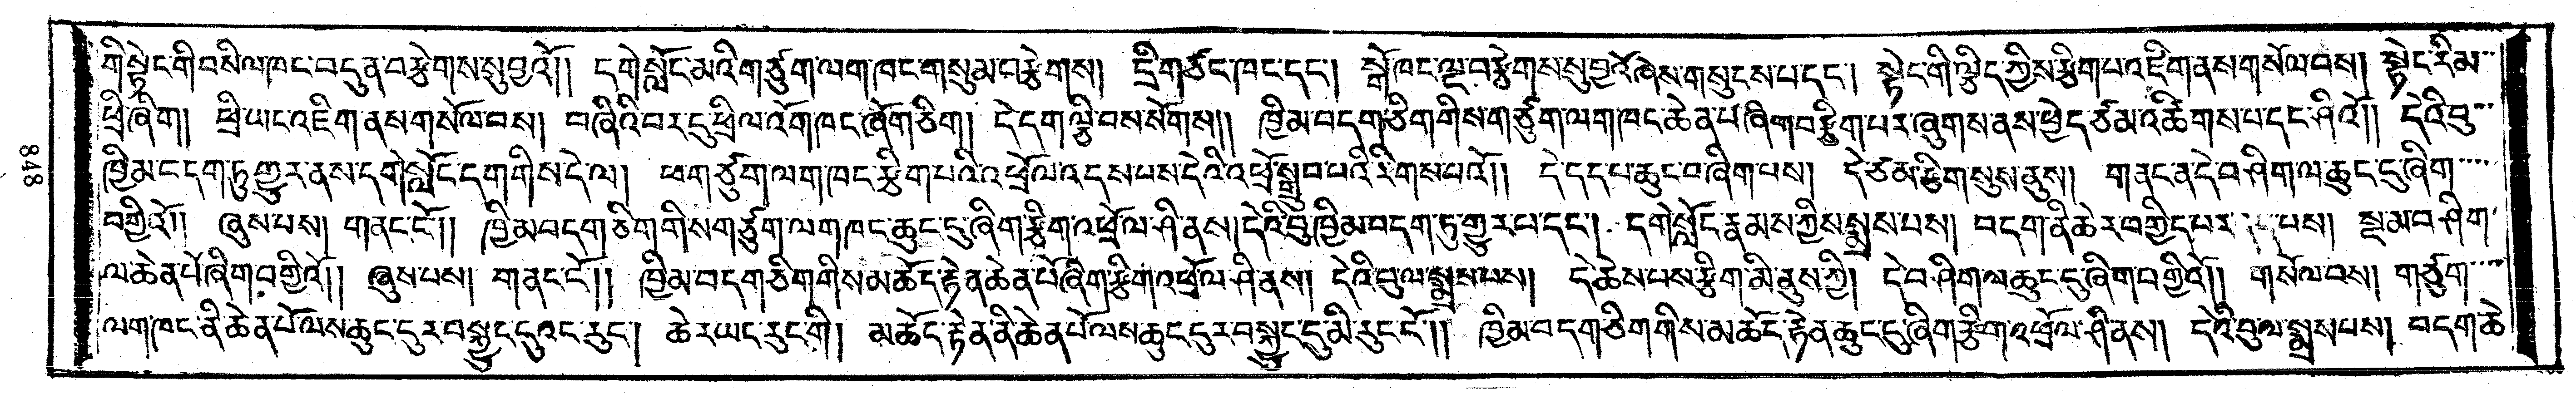གི་སྟེང་གི་བསིལ་ཁང་བདུན་བརྩེགས་སུ་བྱའོ།། དགེ་སློང་མའི་གཙུག་ལག་ཁང་གསུམ་བརྩེགས། དྲི་གཙང་ཁང་དང་། སྒོ་ཁང་ལྔ་བརྩེགས་སུ་བྱའོ་ཞེས་གསུངས་པ་དང་། སྟེང་གི་ལྕིད་ཀྱིས་རྩིག་པ་འཛིག་ནས་གསོལ་བས། སྟེང་རིམ་
ཕྲི་ཞིག། ཕྲི་ཡང་འཇིག་ནས་གསོལ་བས། བཞིའི་བར་དུ་ཕྲིལ་འོག་ཁང་ཞོག་ཅིག། དེ་དག་ལྕི་བས་སོགས།། ཁྱིམ་བདག་ཅིག་གིས་གཙུག་ལག་ཁང་ཆེན་པ་ཞིག་བརྩིག་པར་ཞུགས་ནས་ཕྱེད་ཙམ་འཚིགས་པ་དང་ཤིའོ།། དེའི་བུ་
ཁྱིམ་བདག་ཏུ་གྱུར་ནས་དགེ་སློང་དག་གིས་དེ་ལ། ཕ་གཙུག་ལག་ཁང་རྩིག་པའི་འཕྲོལ་འདས་པས་དེའི་འཕྲོ་སྒྲུབ་པའི་རིགས་པའོ།། དེ་དད་པ་ཆུང་བ་ཞིག་པས། དེ་ཙམ་རྩིག་སུས་ནུས། གནང་ན་དེ་བཤིག་ལ་ཆུང་དུ་ཞིག་
བགྱིའོ།། ཞུས་པས། གནང་ངོ།། ཁྱིམ་བདག་ཅིག་གིས་གཙུག་ལག་ཁང་ཆུང་ངུ་ཞིག་རྩིག་འཕྲོ་ལ་ཤི་ནས། དེའི་བུ་ཁྱིམ་བདག་ཏུ་གྱུར་པ་དང་། དགེ་སློང་རྣམས་ཀྱིས་སྨྲས་པས། བདག་ནི་ཆེར་བགྱིད་པར་དད་པས། སྔ་མ་བཤིག་
ལ་ཆེན་པོ་ཞིག་བགྱིའོ། ཞུས་པས། གནང་ངོ།། ཁྱིམ་བདག་ཅིག་གིས་མཆོད་རྟེན་ཆེན་པོ་ཞིག་རྩིག་འཕྲོ་ལ་ཤི་ནས། དེའི་བུ་ལ་སྨྲས་པས། དེ་ཆེས་པས་རྩིག་མི་ནུས་ཀྱི། དེ་བཤིག་ལ་ཆུང་ངུ་ཞིག་བགྱིའོ།། གསོལ་བས། གཙུག་
ལག་ཁང་ནི་ཆེན་པོ་ལས་ཆུང་ངུར་བསྐྱུང་དུའང་རུང་། ཆེར་ཡང་རུང་གི། མཆོད་རྟེན་ནི་ཆེན་པོ་ལས་ཆུང་ངུར་བསྐྱུང་དུ་མི་རུང་ངོ།། ཁྱིམ་བདག་ཅིག་གིས་མཆོད་རྟེན་ཆུང་ངུ་ཞིག་རྩིག་འཕྲོལ་ཤི་ནས། དེའི་བུ་ལ་སྨྲས་པས། བདག་ཆེ་